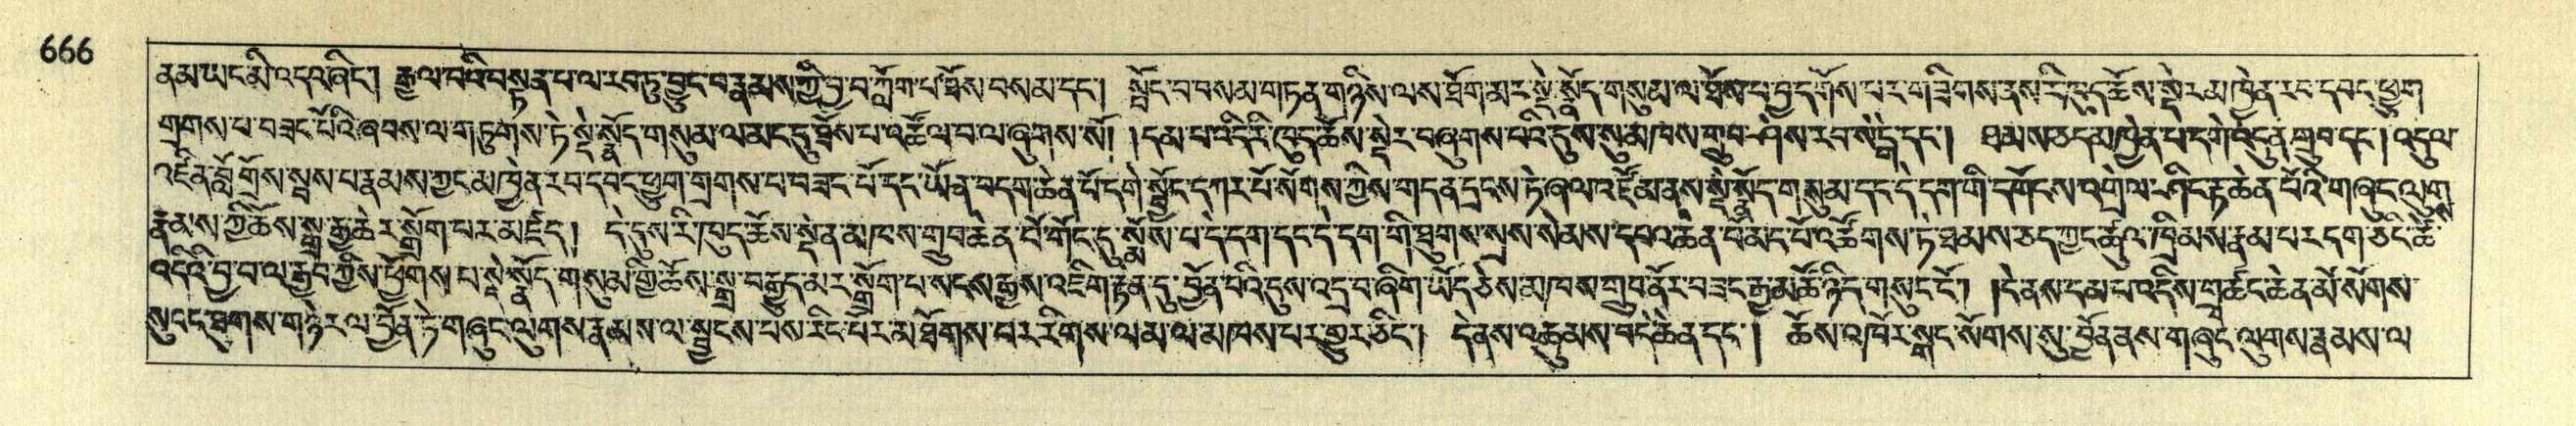ནམ་ཡང་མི་འདའ་ཞིང་། རྒྱལ་བའི་བསྟན་པ་ལ་རབ་ཏུ་བྱུང་བ་རྣམས་ཀྱི་བྱ་བ་ཀློག་པ་ཐོས་བསམ་དང་། སྤོང་བ་བསམ་གཏན་གཉིས་ལས་ཐོག་མར་སྡེ་སྣོད་གསུམ་ལ་ཐོས་པ་བྱ་དགོས་པར་གཟིགས་ནས་རི་ཁུད་ཆོས་སྡེར་མཁྱེན་རབ་དབང་ཕྱུག་
གྲགས་པ་བཟང་པོའི་ཞབས་ལ་གཏུགས་ཏེ་སྡེ་སྣོད་གསུམ་ལ་མང་དུ་ཐོས་པ་འཚོལ་བ་ལ་ཞུགས་སོ། །དམ་པ་འདི་རི་ཁུད་ཆོས་སྡེར་བཞུགས་པའི་དུས་སུ་མཁས་གྲུབ་ཤེས་རབ་སེངྒེ་དང་། ཐམས་ཅད་མཁྱེན་པ་དགེ་འདུན་གྲུབ་དང་། འདུལ་
འཛིན་བློ་གྲོས་སྦས་པ་རྣམས་ཀྱང་མཁྱེན་རབ་དབང་ཕྱུག་གྲགས་པ་བཟང་པོ་དང་ཡོན་བདག་ཆེན་པོ་དགེ་སྦྱོང་དཀར་པོ་སོགས་ཀྱིས་གདན་དྲངས་ཏེ་ཞལ་འཛོམ་ནས་སྡེ་སྣོད་གསུམ་དང་དེ་དག་གི་དགོངས་འགྲེལ་ཤིང་རྟ་ཆེན་པོའི་གཞུང་ལུགས་
རྣམས་ཀྱི་ཆོས་སྒྲ་རྒྱ་ཆེར་སྒྲོག་པར་མཛད། དེ་དུས་རི་ཁུད་ཆོས་སྡེ་ན་མཁས་གྲུབ་ཆེན་པོ་གོང་དུ་སྨོས་པ་དེ་དག་དང་དེ་དག་གི་ཐུགས་སྲས་སེམས་དཔའ་ཆེན་པོ་མང་པོ་འཚོགས་ཏེ་ཐམས་ཅད་ཀྱང་ཚུལ་ཁྲིམས་རྣམ་པར་དག་ཅིང་ཚེ་
འདིའི་བྱ་བ་ལ་རྒྱབ་ཀྱིས་ཕྱོགས་པ་སྡེ་སྣོད་གསུམ་གྱི་ཆོས་སྒྲ་བརྒྱུད་མར་སྒྲོག་པ་སངས་རྒྱས་འཇིག་རྟེན་དུ་བྱོན་པའི་དུས་འདྲ་བ་ཞིག་ཡོད་ཅེས་མཁས་གྲུབ་ནོར་བཟང་རྒྱ་མཚོ་ཉིད་གསུང་ངོ། །དེ་ནས་དམ་པ་འདིས་གྲྭ་ཚང་ཆེན་མོ་སོགས་
སུའང་ཐུགས་གཉེར་ལ་བྱོན་ཏེ་གཞུང་ལུགས་རྣམས་ལ་སྦྱངས་པས་རིང་པོར་མ་ཐོགས་པར་རིགས་ལམ་ལ་མཁས་པར་གྱུར་ཅིང་། དེ་ནས་འཆུམས་བདེ་ཆེན་དང་། ཆོས་འཁོར་སྒང་སོགས་སུ་བྱོན་ནས་གཞུང་ལུགས་རྣམས་ལ་